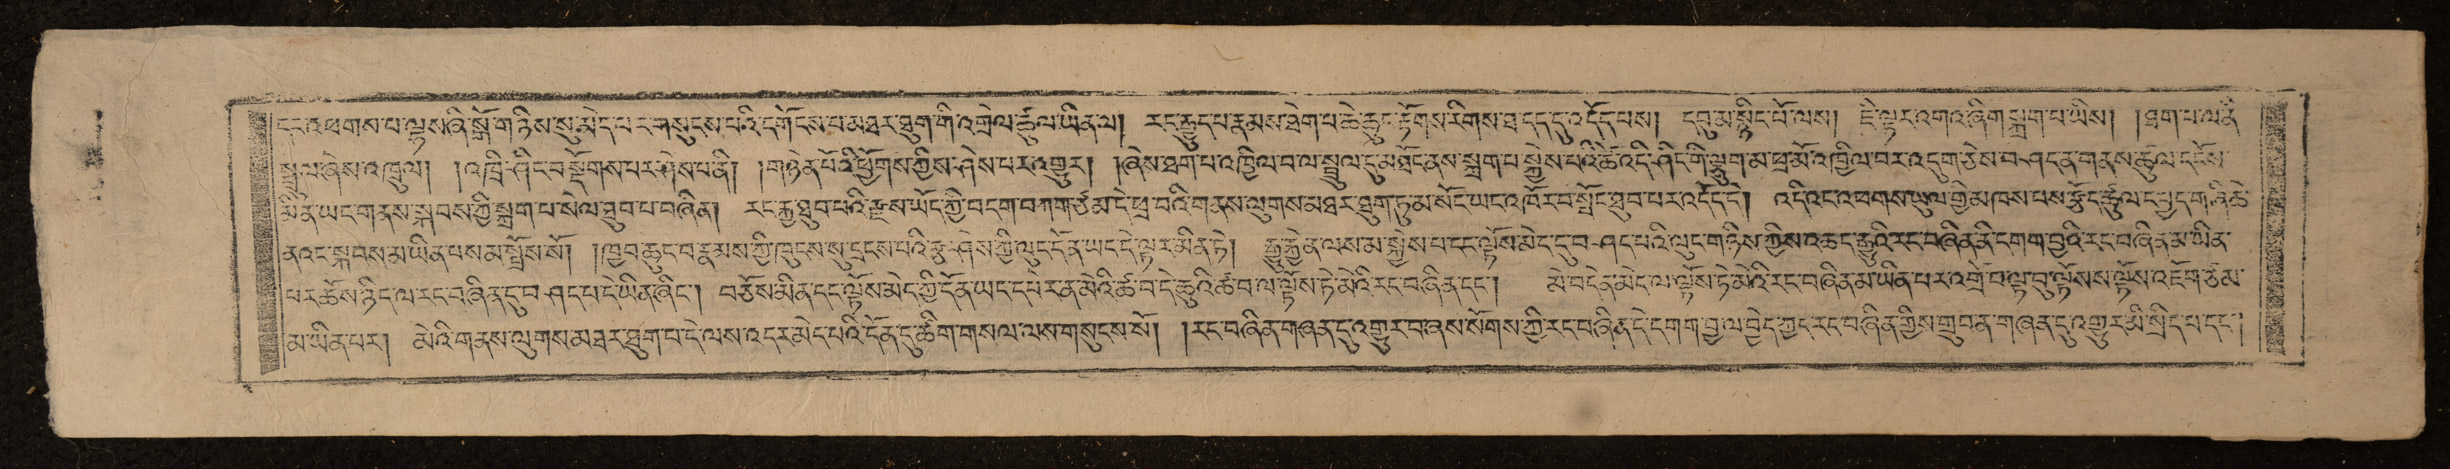དང་འཕགས་པ་ལྷས་ཞི་སྒོ་གཉིས་སུ་མེད་པར་གསུངས་པའི་དགོངས་པ་མཐར་ཐུག་གི་འགྲེལ་ཚུལ་ཡིན་ལ། རང་རྒྱུད་བ་རྣམས་ཐེག་བ་ཆེ་ཆུང་རྟོགས་རིགས་ཐ་དད་དུ་འདོད་བས། དབུ་མ་སྙིང་པོ་ལས། ཇི་ལྟར་འགའ་ཞིག་སྐྲག་བ་ཡིས། །ཐག་པ་ལ་ནི་
སྦྲུལ་ཞེས་འཁྲུལ། །འཁྲི་ཤིང་བསྡོགས་བར་ཤེས་པ་ནི། །གཉེན་བོའི་ཕྱོགས་ཀྱིས་ཤེས་བར་འགྱུར། །ཞེས་ཐག་པ་འཁྱིལ་བ་ལ་སྦྲུལ་དུ་མཐོང་ནས་སྐྲག་བ་སྐྱེས་བའི་ཚེ་འདི་ཤིང་གི་ལྕུག་མ་ཕྲ་མོ་འཁྱིལ་བར་འདུག་ཅེས་བཤད་ན་གནས་ཚུལ་དངོས་
མིན་ཡང་གནས་སྐབས་ཀྱི་སྐྲག་པ་སེལ་ཐུབ་བ་བཞིན། རང་རྐྱ་ཐུབ་པའི་རྫས་ཡོད་ཀྱི་བདག་བཀག་ཙམ་དེ་ཕྲ་བའི་གནས་ལུགས་མཐར་ཐུབ་ཏུ་མ་སོང་ཡང་འཁོར་བ་སྤོང་ཐུབ་བར་འདོད་དེ། འདིའང་འཕགས་ཡུལ་གྱི་མཁས་པས་རྩོད་ཚུལ་དཔྱད་གཞི་ཆེ་
ནའང་སྐབས་མ་ཡིན་པས་མ་སྤྲོས་སོ། །ཁྱབ་ཆུང་བ་རྣམས་ཀྱི་ཁུངས་སུ་དྲངས་བའི་རྩ་ཤེས་ཀྱི་ལུང་དོན་ཡང་དེ་ལྟར་མིན་ཏེ། རྒྱུ་རྐྱེན་ལས་མ་སྐྱེས་པ་དང་ལྟོས་མེད་དུ་བཤད་བའི་ལུང་གཉིས་ཀྱིས་འཆད་རྒྱུའི་རང་བཞིན་ནི་དགག་བྱའི་རང་བཞིན་མ་ཡིན་
པར་ཆོས་ཉིད་ལ་རང་བཞིན་དུ་བཤད་བདེ་ཡིན་ཞིང་། བཅོས་མིན་དང་ལྟོས་མེད་ཀྱི་དོན་ཡང་ད་སེར་ན་མོའི་ཚ་བ་དེ་ཆུའི་ཚང་ལ་ལྟོས་ཏེ་མེའི་རང་བཞིན་དང་། མེ་བདེན་མེད་ལ་ལྟོས་ཏེ་མེའི་རང་བཞིན་མ་ཡིན་པར་འགྲོ་བ་ལྟ་བུ་ལྟོས་ས་ལྟོས་འཇོག་ཙམ་
མ་ཡིན་བར། མེའི་གནས་ལུགས་མཐར་ཐུག་བ་དེ་ལས་འདར་མེད་པའི་དོན་དུ་ཚིག་གསལ་ལས་གསུངས་སོ། །རང་བཞིན་གཞན་དུ་འགྱུར་བ་ཞེས་སོགས་ཀྱི་རང་བཞིན་དེ་དགག་བྱ་ལ་བྱེད་ཀྱང་རང་བཞིན་གྱིས་གྲུབ་ན་གཞན་དུ་འགྱུར་མི་སྲིད་བ་དང་།